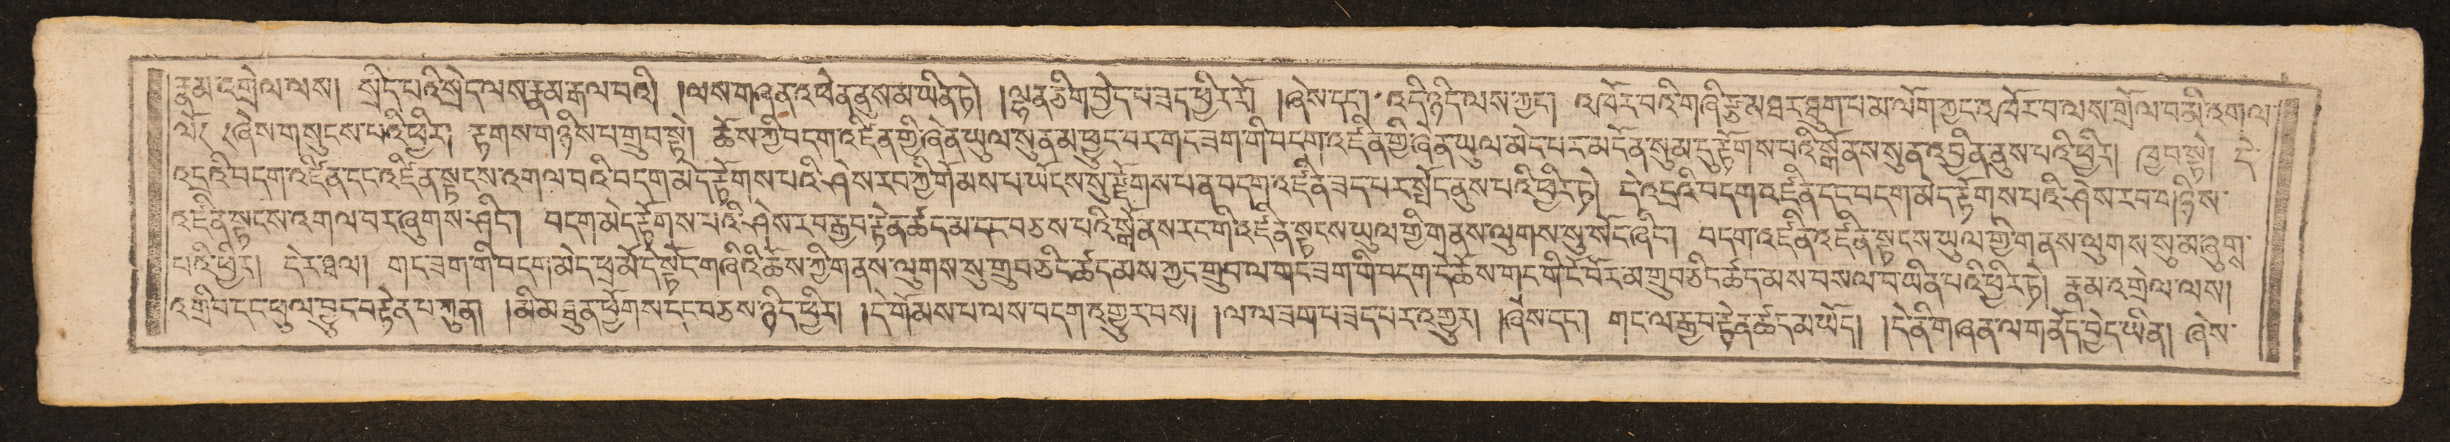རྣམ་འགྲེལ་ལས། སྲིད་པའི་སྲེད་ལས་རྣམ་རྒལ་བའི། །ལས་གཞན་འཕེན་ནུས་མ་ཡིན་ཏེ། །ལྷན་ཅིག་བྱེད་པ་ཟད་ཕྱིར་རོ། །ཞེས་དང་། འདི་ཉིད་ལས་ཀྱང་། འཁོར་བའི་གཞི་རྩ་མཐར་ཐུག་པ་མ་ལོག་ཀྱང་འཁོར་བ་ལས་གྲོལ་བ་མི་འགལ་
ལོ༑ ༑ཞེས་གསུངས་པའི་ཕྱིར། རྟགས་གཉིས་པ་གྲུབ་སྟེ། ཆོས་ཀྱི་བདག་འཛིན་གྱི་ཞེན་ཡུལ་སུན་མ་ཕྱུང་བར་གང་ཟག་གི་བདག་འཛིན་གྱི་ཞེན་ཡུལ་མེད་པར་མངོན་སུམ་དུ་རྟོགས་པའི་སྒོ་ནས་སུན་འབྱིན་ནུས་པའི་ཕྱིར། ཁྱབ་སྟེ། དེ་
འདྲའི་བདག་འཛིན་དང་འཛིན་སྟངས་འགལ་བའི་བདག་མེད་རྟོགས་པའི་ཤེས་རབ་ཀྱི་གོམས་པ་ཡོངས་སུ་རྫོགས་པ་ན་བདག་འཛིན་ཟད་པར་སྤོང་ནུས་པའི་ཕྱིར་ཏེ། དེ་འདྲའི་བདག་འཛིན་དང་བདག་མེད་རྟོགས་པའི་ཤེས་རབ་གཉིས་
འཛིན་སྟངས་འགལ་བར་ཞུགས་ཤིང་། བདག་མེད་རྟོགས་པའི་ཤེས་རབ་རྒྱབ་རྟེན་ཚད་མ་དང་བཅས་པའི་སྒོ་ནས་རང་གི་འཛིན་སྟངས་ཡུལ་གྱི་གནས་ལུགས་སུ་སོང་ཞིང་། བདག་འཛིན་འཛིན་སྟངས་ཡུལ་གྱི་གནས་ལུགས་སུ་མ་ཞུགས་
པའི་ཕྱིར། དེར་ཐལ། གང་ཟག་གི་བདག་མེད་ཕྲ་མོ་དེ་སྟོང་གཞིའི་ཆོས་ཀྱི་གནས་ལུགས་སུ་གྲུབ་ཅིང་ཚད་མས་ཀྱང་གྲུབ་ལ་གང་ཟག་གི་བདག་དེ་ཆོས་གང་གི་ངོ་བོར་མ་གྲུབ་ཅིང་ཚད་མས་བསལ་བ་ཡིན་པའི་ཕྱིར་ཏེ། རྣམ་འགྲེལ་ལས།
འགྲིབ་དང་ཕུལ་བྱུང་བརྟེན་པ་ཀུན། །མི་མཐུན་ཕྱོགས་དང་བཅས་ཉིད་ཕྱིར། །དེ་གོམས་པ་ལས་བདག་འགྱུར་བས། །ལ་ལ་ཟག་པ་ཟད་པར་འགྱུར། །ཞེས་དང་། གང་ལ་རྒྱབ་རྟེན་ཚད་མ་ཡོད། །དེ་ནི་གཞན་ལ་གནོད་བྱེད་ཡིན། ཞེས་